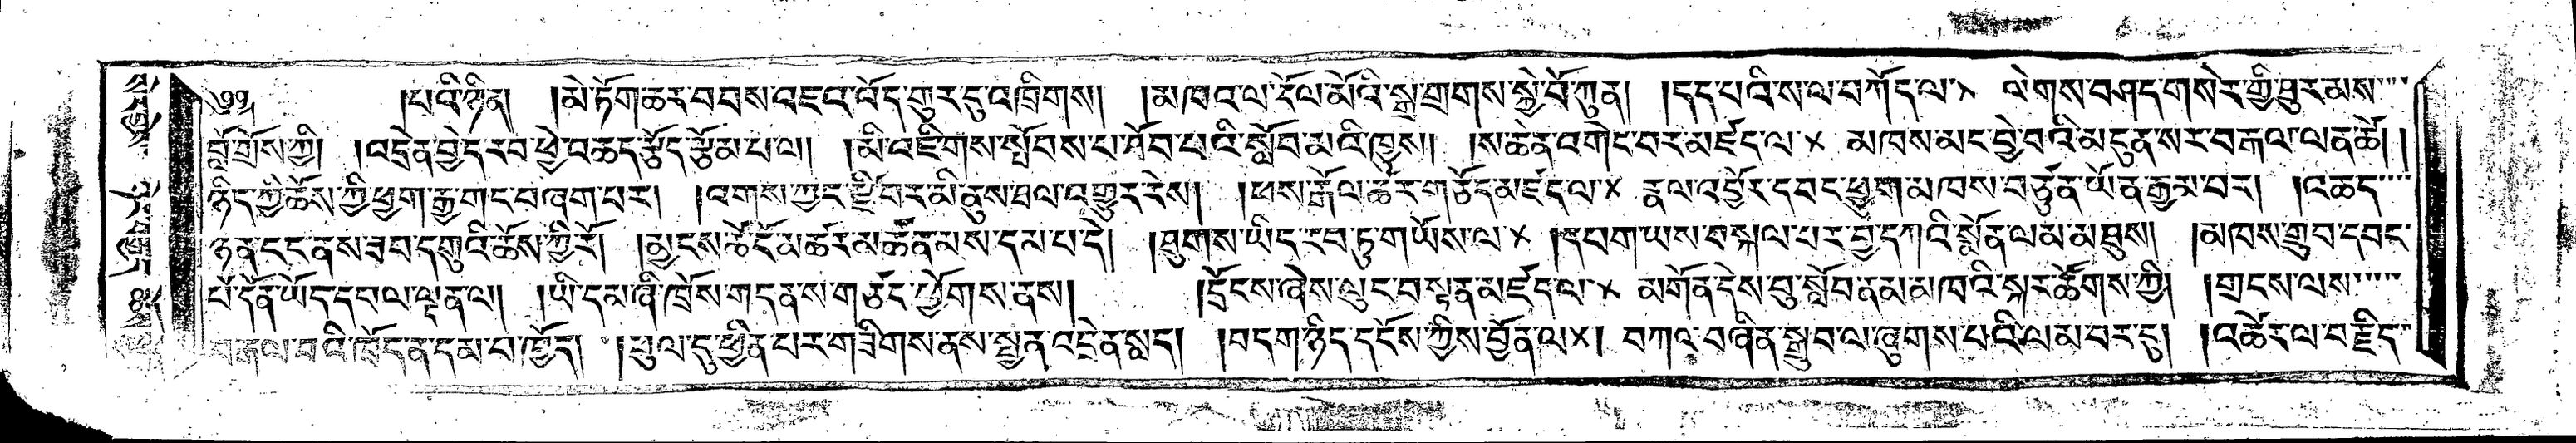༄༅། །པའི་ཉིན། །མེ་ཏོག་ཆར་བྦས་འཇའ་འོད་གུར་དུ་འཁྲིགས། །མཁའ་ལ་རོལ་མོའི་སྒྲ་གྲགས་སྐྱེ་བོ་ཀུན། །དད་པའི་ས་ལ་བཀོད་ལ་{྾}་ལེགས་བཤད་གསེར་གྱི་ཐུར་མས་
བློ་གྲོས་ཀྱི། །འདྲེན་བྱེད་རབ་ཕྱེ་འཆད་རྩོད་རྩོམ་པ་ལ། །མི་འཇིགས་སྤོབས་པ་ཐོབ་པའི་སློབ་མའི་ཁྱུས། །ས་ཆེན་འགེང་བར་མཛད་ལ་{྾}་མཁས་མང་བྱེ་བའི་མདུན་སར་བརྒལ་ལན་ཚེ། །
ཉིད་ཀྱི་ཆོས་ཀྱི་ཕྱག་རྒྱ་གང་བཞག་པར། །འགས་ཀྱང་རྫི་བར་མི་ནུས་ཐལ་འགྱུར་རེས། །ཕས་རྒོལ་ཚར་གཅོད་མཛད་ལ་{྾}་རྣལ་འབྱོར་དབང་ཕྱུག་མཁས་བཙུན་ཡོན་རྒྱམ་བར། །འཆད་
ཉན་ངང་ནས་ཟབ་དགུའི་ཆོས་ཀྱི་རོ། །མྱངས་ཚེ་ངོ་མཚར་མཚན་མས་དམ་པ་དེ། །ཐུགས་ཡིད་རབ་ཏུ་གཡོས་ལ་{྾}་།དཔག་ཡས་བསྐལ་པར་བྱ་དཀའི་སྨོན་ལམ་མཐུས། །མཁས་གྲུབ་དབང་
པོ་དོན་ཡོད་དཔལ་ལྡན་ལ། །ཡི་དམ་ཞི་ཁྲོས་གདན་ས་གཙང་ཕྱོགས་ནས། །དྲོངས་ཞེས་ལུང་བསྟན་མཛད་ལ་{྾}་མགོན་དེས་བུ་སློབ་ནམ་མཁའི་སྐར་ཚོགས་ཀྱི། །གྲངས་ལས་
བརྒལ་བའི་ཁྲོད་ན་དམ་པ་ཁྱོད། །ཕུལ་དུ་ཕྱིན་པར་གཟིགས་ནས་སྤྱན་འདྲེན་སླད། །བདག་ཉིད་དངོས་ཀྱིས་བྱོན་ལ་{྾}། བཀའ་བཞིན་སྒྲུབ་ལ་ཞུགས་པའི་ལམ་བར་དུ། །འཚེར་ལ་བརྗིད་